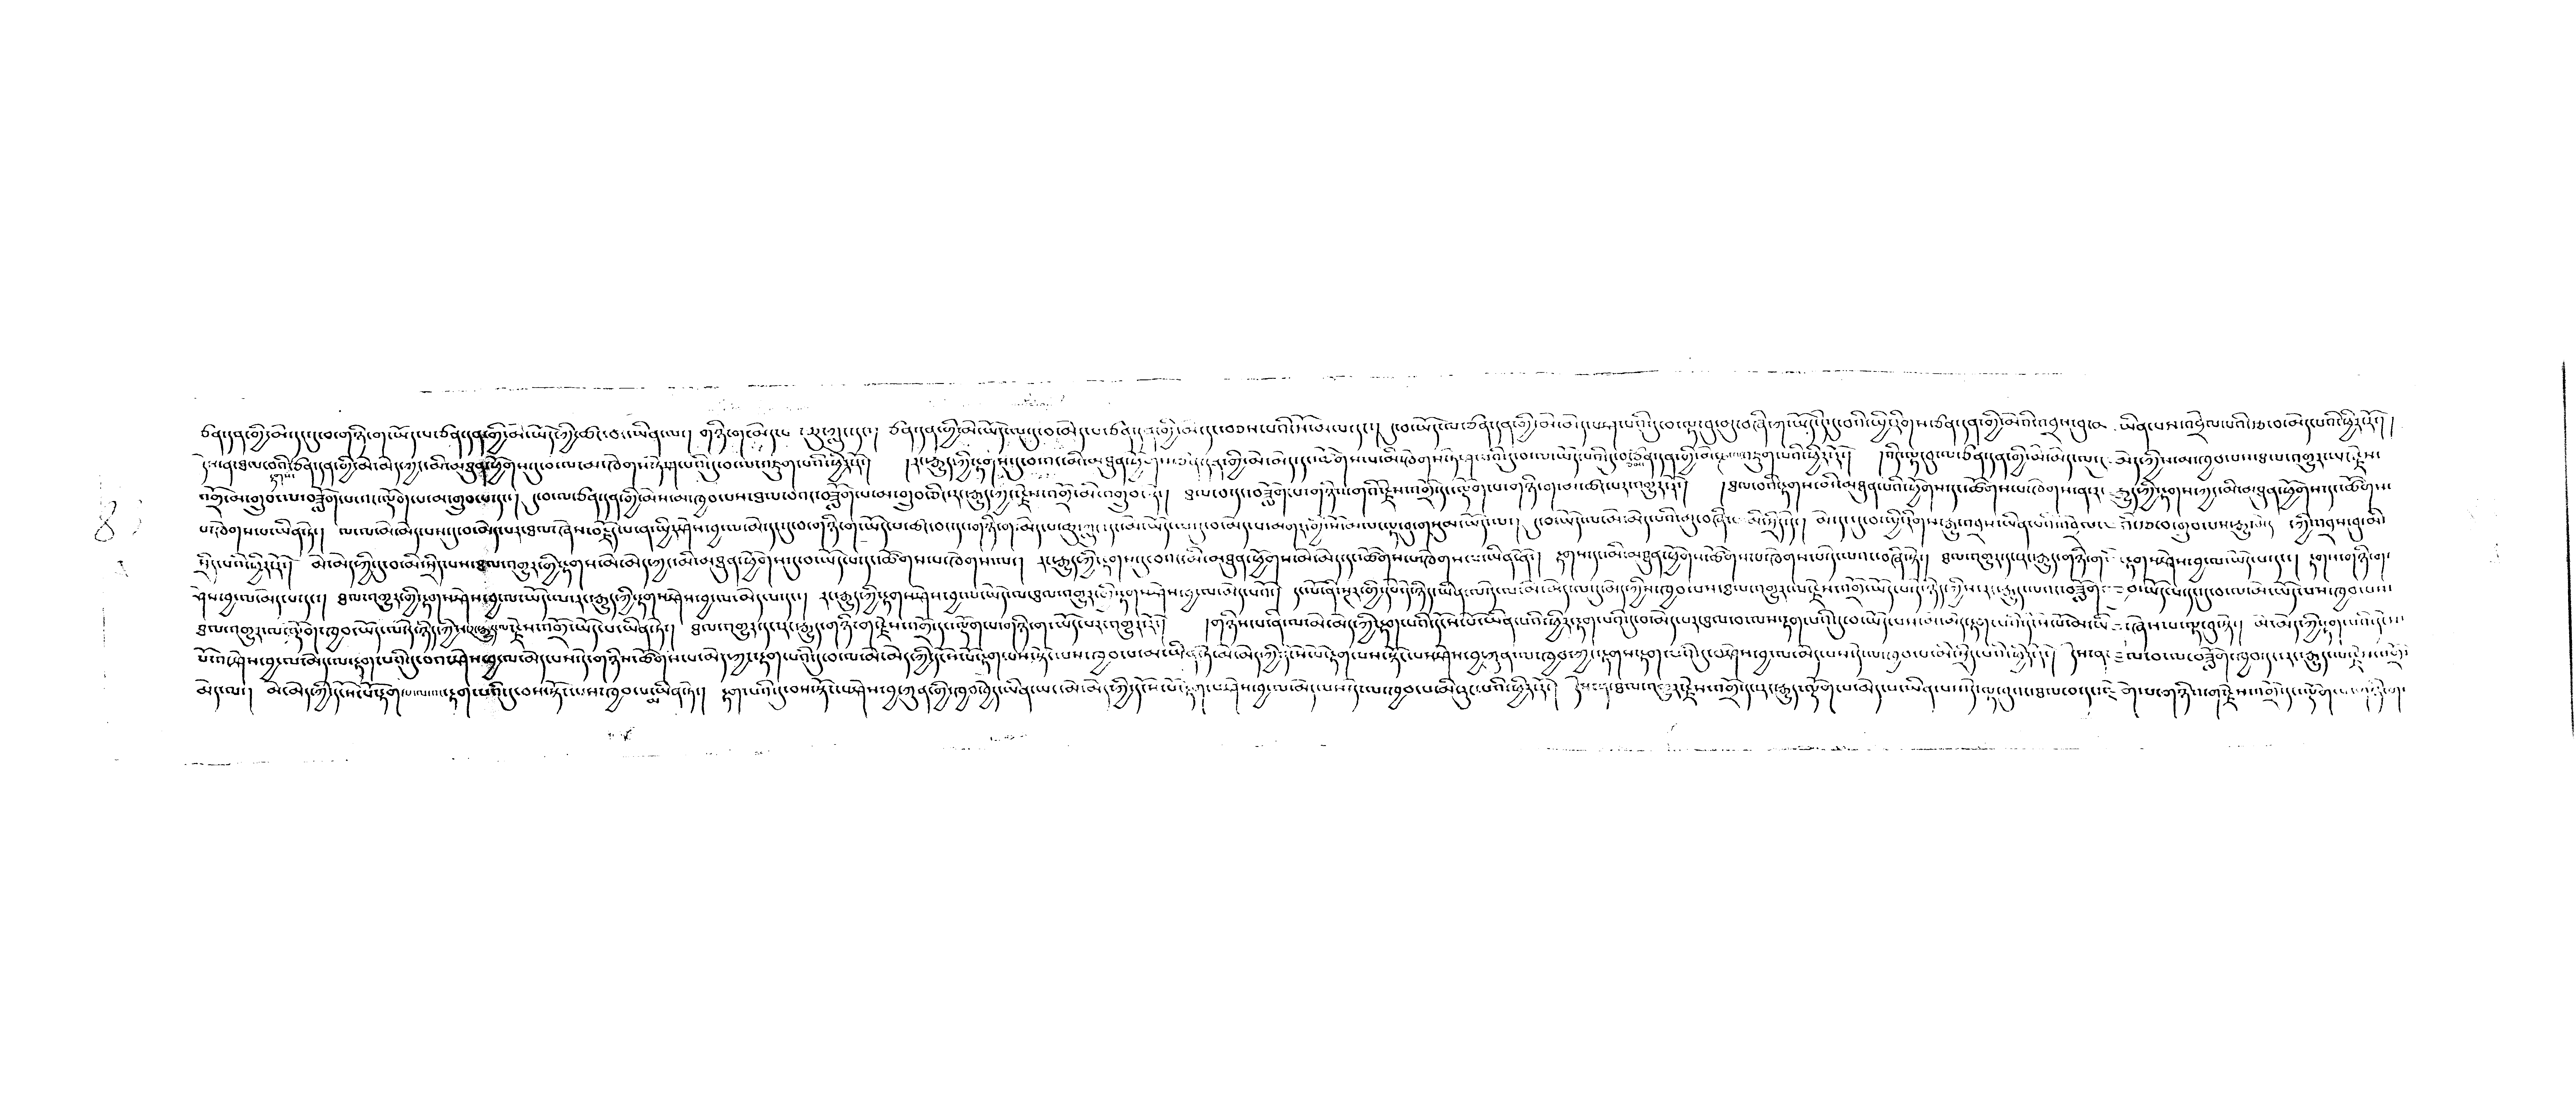ཙན་དན་གྱི་མེ་དང་དུ་བ་གཉི་ག་ཡོད་པ་ཙན་དན་གྱི་མེ་ཡོད་ཀྱི་ཚང་བང་ཡིན་ལ། གཉི་ག་མེད་པ་ཆུ་ཀླུང་དང་། ཙན་དན་གྱི་མེ་ཡོད་ལ་དུ་བ་མེད་པ་ཙན་དན་གྱི་མེ་དང་བཅས་པའི་སོ་མལ་དང་། དུ་བ་ཡོད་ལ་ཙན་དན་གྱི་མེ་མེད་པ་ཤ་པའི་དུ་བ་ལྟ་བུ་མུ་བཞི་ཀ་ཡོད་དེ་དུ་བའི་སྤྱི་རིགས་ཙན་དན་གྱི་མེའི་འབྲས་བུ་མ་ཡིན་པས་འབྲེལ་པའི་རྩ་བ་མེད་པའི་ཕྱིར་རོ།།
དེས་ན་ཐལ་བའི་རྟགས་ཙན་དན་གྱི་མེ་མེད་ཀྱང་མི་མཐུན་ཕྱོགས་དུ་བ་ལ་མ་ཁེགས་ཏེག་པའི་དུ་བ་ལ་འཇུག་པའི་ཕྱིར་རོ། །རང་རྒྱུད་ཀྱི་རྟགས་དུ་བ་འང་མི་མཐུན་ཕྱོགས་ཙན་དན་གྱི་མེ་མེད་དང་ཚོགས་པ་མི་ཁེགས་ཏེ་ཤ་བའི་དུ་བ་ལ་ཡོད་པའི་དུ་བ་ཙན་དན་གྱི་མེ་?་འཇུག་པའི་ཕྱིར་རོ། །འདི་ལྟ་བུ་ལ་ཙན་དན་གྱིམེ་མེད་ལ་དུ་མེད་ཀྱིས་མ་ཁྱབ་པས་ཐལ་འགྱུར་ཡང་རྗེས་
འགྲོ་མ་གྲུབ་པ་བཟློག་པ་འང་ལྡོག་པ་མ་གྲུབ་པ་དང་། དུ་བ་ལ་ཙན་དན་གྱི་མེས་མ་ཁྱབ་པས་ཐལ་བའང་བཟློག་པ་མ་གྲུབ་ཅིང་རང་རྒྱུད་ཀྱང་རྗེས་འགྲོ་མི་འགྲུབ་སྟེ། ཐལ་བ་དང་བཟློག་པ་གཉིས་གའི་རྗེས་འགྲོ་དང་ལྡོག་པ་གཉི་ག་མ་ཚང་པར་འགྱུར་རོ། །ཐལ་བའི་རྟགས་མི་མཐུན་པའི་ཕྱོགས་དང་ཚོགས་པ་ཁེགས་ན་རང་རྒྱུད་ཀྱི་རྟགས་ཀྱང་མི་མཐུན་ཕྱོགས་དང་ཚོགས་
པ་ཁེགས་པ་ཡིན་ཏེ། ལ་ལ་མེ་མེད་པས་དུ་བ་མེད་པར་ཐལ་ཞེས་བརྗོད་པ་ན་སྤྱིར་ཤེས་བྱ་ལ་མེ་དང་དུ་བ་གཉི་ག་ཡོད་པ་ཚང་བང་དང་གཉི་ག་མེད་པ་ཆུ་ཀླུང་དང་མེ་ཡོད་པ་དུ་བ་མེད་པ་མགར་གྱི་སོ་མལ་ལྟ་བུ་གསུམ་ཡོད་ལ། དུ་བ་ཡོད་ལ་མེ་མེད་པའི་མུ་བཞི་པ་མི་སྲིད་དེ། མེ་དང་དུ་བ་སྤྱི་རིགས་རྒྱུ་འབྲས་ཡིན་པའི་འབྲེལ་པའི་རྩ་བ་གྲུབ་པས་རྒྱུ་མེད་ཀྱི་འབྲས་བུ་མི་
སྲིད་པའི་ཕྱིར་རོ། མེ་མེད་ཀྱི་དུ་བ་མི་སྲིད་པས་ཐལ་འགྱུར་གྱི་རྟགས་མེ་མེད་ཀྱང་མི་མཐུན་ཕྱོགས་དུ་བ་ཡོད་པ་དང་ཚོགས་པ་ཁེགས་ལ། རང་རྒྱུད་ཀྱི་རྟགས་དུ་བའང་མི་མཐུན་ཕྱོགས་མེ་མེད་དང་ཚོགས་པ་ཁེགས་པ་ཡིན་ནོ། རྟགས་དང་མི་མཐུན་ཕྱོགས་ཚོགས་པ་ཁེགས་པ་དེ་ལའང་བཞི་སྟེ། ཐལ་འགྱུར་དང་རང་རྒྱུད་གཉི་གའི་རྟགས་ཤེས་བྱ་ལ་ཡོད་པ་དང་། རྟགས་གཉི་ག་
ཤེས་བྱ་ལ་མེད་པ་དང་། ཐལ་འགྱུར་གྱི་རྟགས་ཤེས་བྱ་ལ་ཡོད་ལ་རང་རྒྱུད་ཀྱི་རྟགས་ཤེས་བྱ་ལ་མེད་པ་དང་། རང་རྒྱུད་ཀྱི་རྟགས་ཤེས་བྱ་ལ་ཡོད་ལ་ཐལ་འགྱུར་གྱི་རྟགས་ཤེས་བྱ་ལ་མེད་པའོ། དང་པོ་ནི་སྔར་གྱི་དཔེ་དེ་ཉིད་ཡིན་ལ་དེ་ལ་མེ་མེད་ལ་དུ་མེད་ཀྱིས་ཁྱབ་པས་ཐལ་འགྱུར་ལ་རྗེས་འགྲོ་ཡོད་པ་དེ་ཉིད་ཀྱིས་རང་རྒྱུད་པའང་བཟློག་ཁྱབ?་ཡོད་པ་དང་དུ་བ་ལ་མེ་ཡོད་པས་ཁྱབ་པས་
ཐལ་འགྱུར་ལ་ལྡོག་ཁྱབ་ཡོད་ལ་དེ་ཉིད་ཀྱིས་?རྒྱུད་ལ་རྗེས་འགྲོ་ཡོད་པ་ཡིན་ཏེ། ཐལ་འགྱུར་དང་རང་རྒྱུད་གཉི་ག་རྗེས་འགྲོ་དང་ལྡོག་པ་གཉི་ག་ཡོད་པར་འགྱུར་རོ། །གཉིས་པ་ནི་ལ་མེ་མེད་ཀྱི་རྟག་པའི་དངོས་པོ་ཡིན་པའི་ཕྱིར་རྟག་པའི་དུ་བ་མེད་པར་ཐལ་བ་ལས་རྟག་པའི་དུ་བ་ཡོད་པས་མེ་མེད་རྟག་པའི་དངོས་པོ་མ་ཡིན་ཞེས་པ་ལྟ་བུ་སྟེ། མེ་མེད་ཀྱི་རྟག་པའི་དངོས་
པོ་འང་ཤེས་བྱ་ལ་མེད་ལ་རྟག་པའི་དུ་བའང་ཤེས་བྱ་ལ་མེད་པས་དེ་གཉིས་ཚོགས་པ་མེད་ཀྱང་རྟག་པའི་དུ་བ་ལ་མེ་མེད་ཀྱི་དངོས་པོ་རྟག་པས་སྟོང་པས་ཁྱབ་པ་མ་ཡིན་ཏེ་མེ་མེད་ཀྱི་དངོས་པོ་རྟག་པས་སྟོང་པས་ཤེས་བྱ་ཀུན་ལ་ཁྱབ་ཀྱང་རྟགས་རྟག་པའི་དུ་བ་ཤེས་བྱ་ལ་མེད་པས་དེ་ལ་ཁྱབ་པ་མི་སྲིད་པའི་ཕྱིར་རོ། དེས་ན་ཐལ་བ་ལ་བཟློག་ཁྱབ་དང་རང་རྒྱུད་ལ་རྗེས་འགྲོ་
མེད་ལ། མེ་མེད་ཀྱི་དངོས་པོ་རྟག་པ་ལ་འང་རྟག་པའི་དུ་བས་སྟོང་པས་ཁྱབ་པ་མ་ཡིན་ཏེ། རྟག་པའི་དུ་བས་སྟོང་པ་ཤེས་བྱ་ཀུན་གྱི་ཁྱབ་བྱེད་ཡིན་ཡང་མེ་མེད་ཀྱི་དངོས་པོ་རྟག་པ་ཤེས་བྱ་ལ་མེད་པས་དེ་ལ་ཁྱབ་པ་མི་རུང་པའི་ཕྱིར་རོ། དེས་ན་ཐལ་འགྱུར་རྗེས་འགྲོ་དང་རང་རྒྱུད་ལྡོག་པ་མེད་པ་ཡིན་པས་དེ་ལྟ་བུའང་ཐལ་བ་དང་ལྡོག་པ་གཉི་ག་རྗེས་འགྲོ་དང་ལྡོག་པ་གཉི་ག་